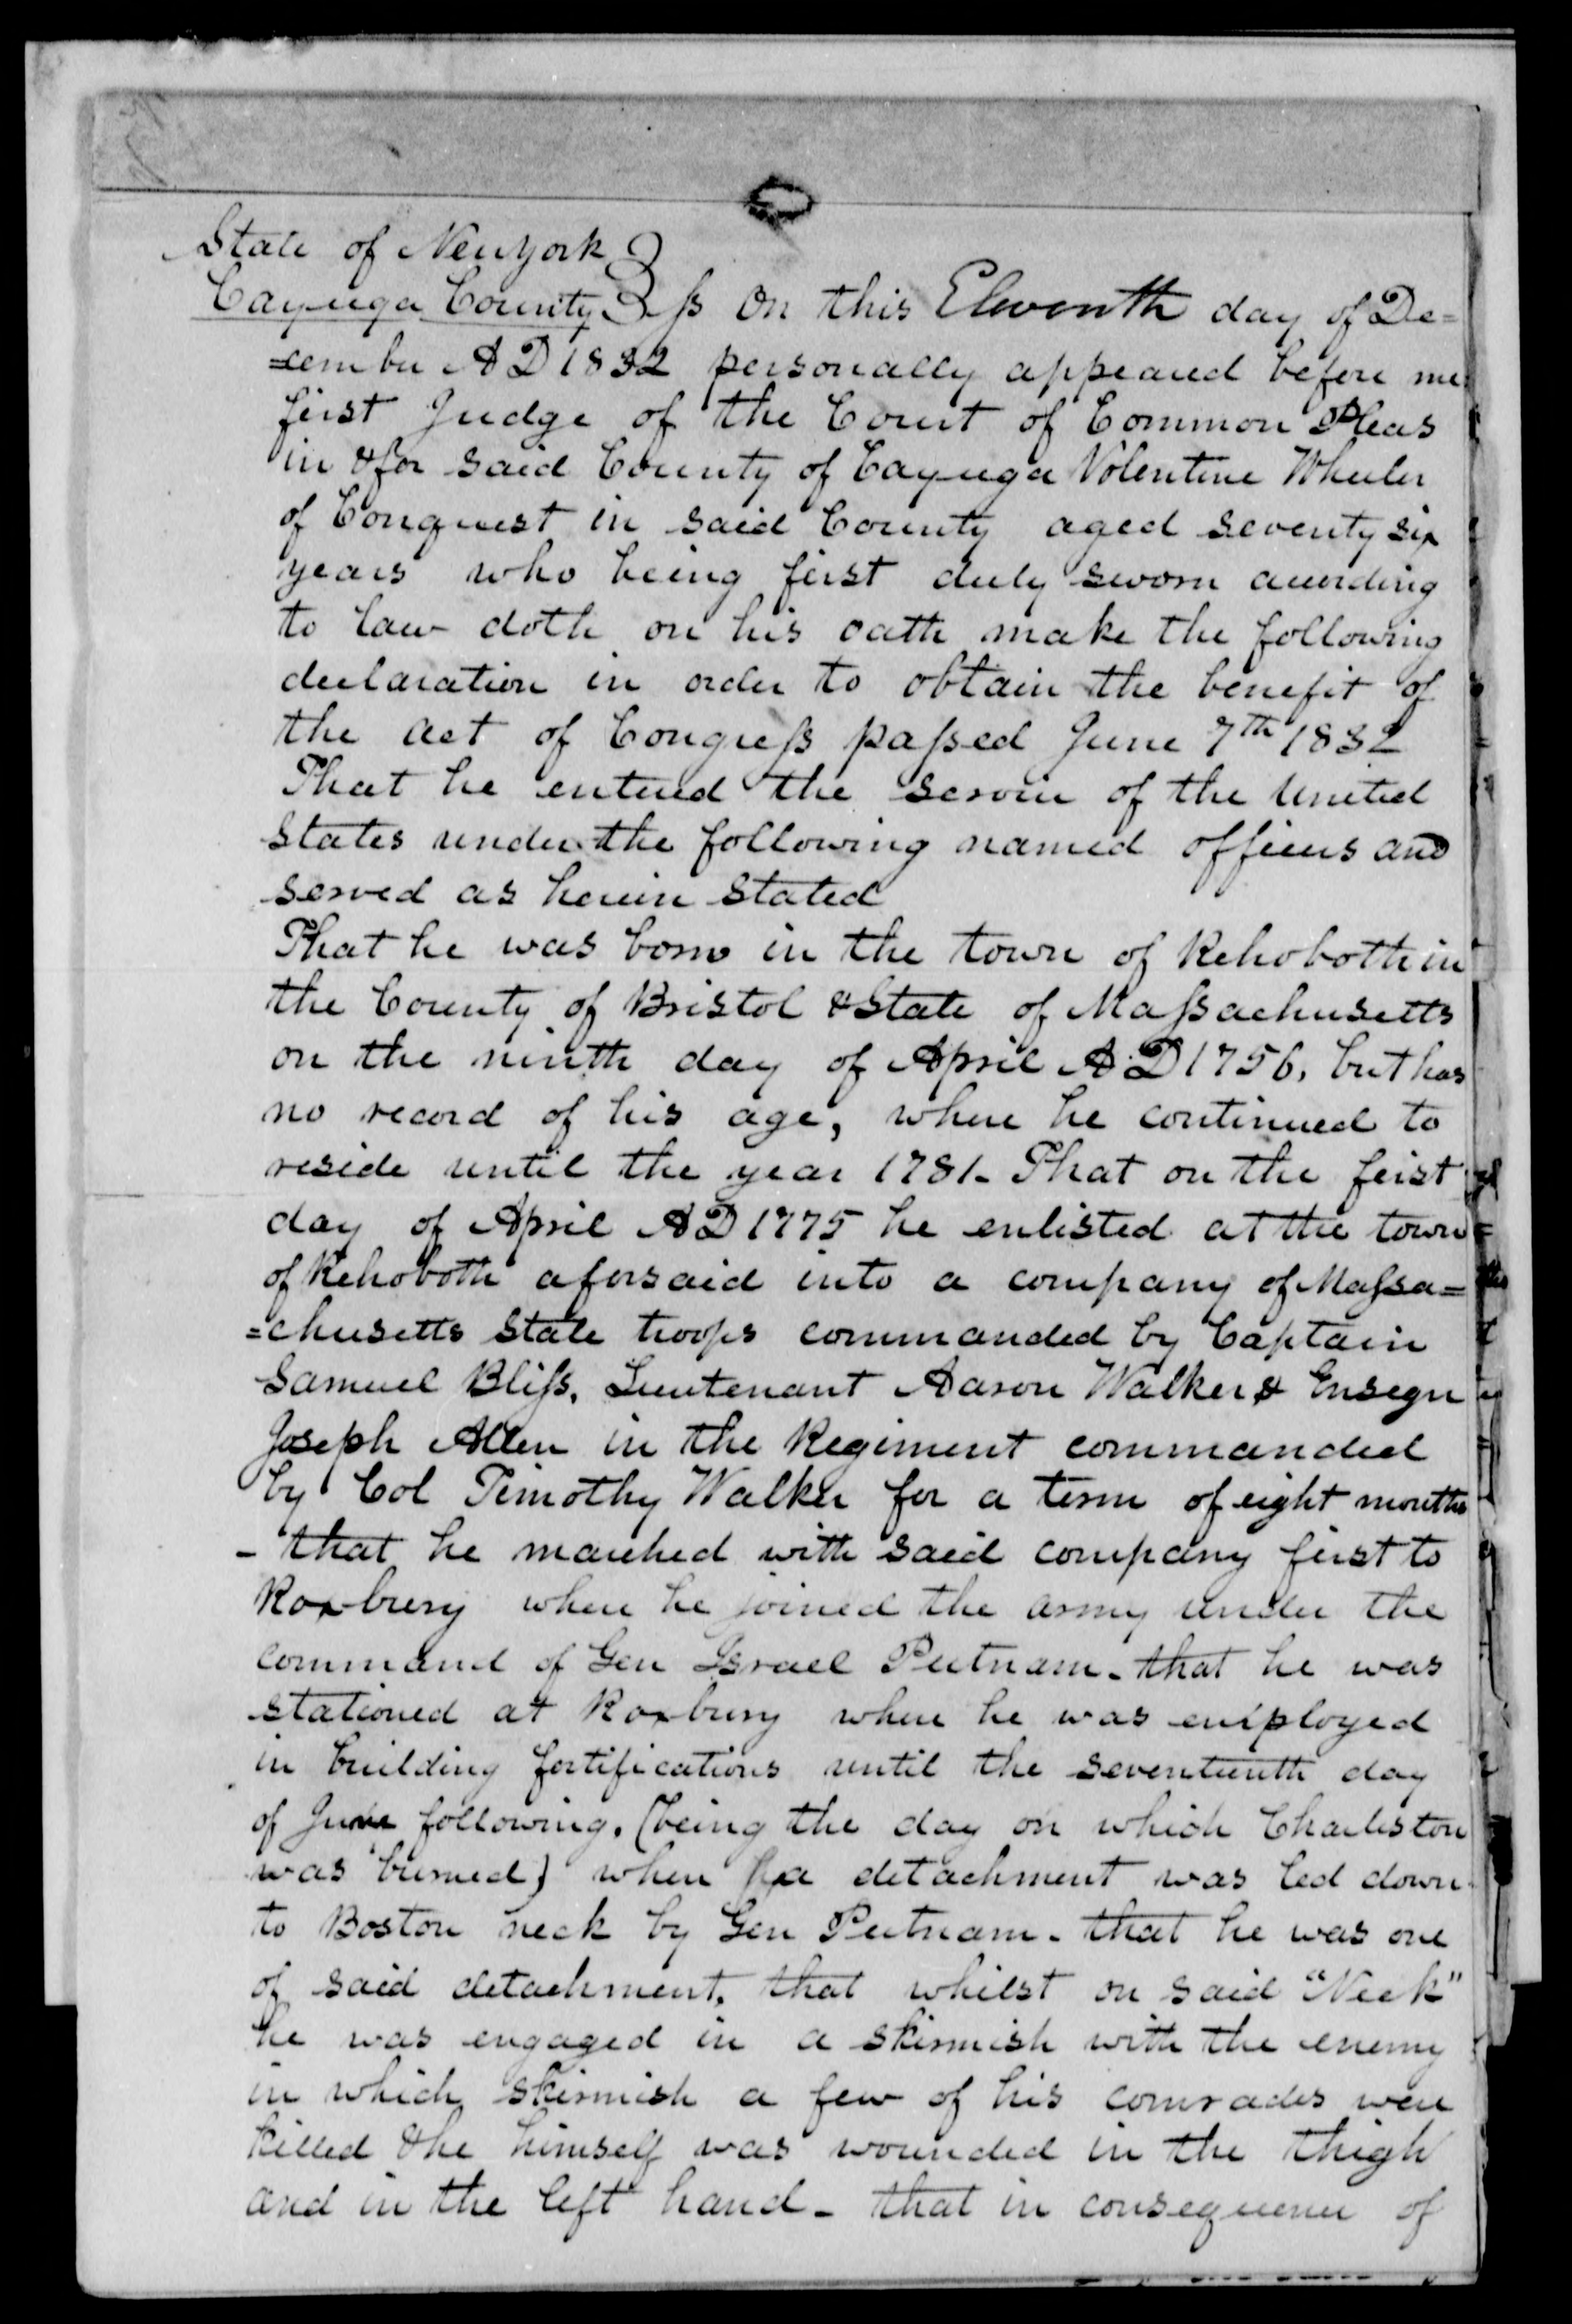State of New York
Cayuga County ss
On this Eleventh day of December A. D. 1832 personally appeared before me first Judge of the Court of Common Pleas in & for said County of Cayuga Volentine Wheeler of Conquest in said County aged seventy six years who being first duly sworn according to law doth on his oath make the following declaration in order to obtain the benefit of the Act of Congress passed June 7th 1832. that he entered the service of the United States under the following named officers and served as herein stated.
That he was born in the town of Rehoboth in the County of Bristol & State of Massachusetts on the ninth day of April A. D. 1756, but has no record of his age, where he continued to reside until the year 1781. That on the first day of April A. D. 1775 he enlisted at the town of Rehoboth aforesaid into a company of Massachusetts State troops commanded by Captain Samuel Bliss, Lieutenant Aaron Walker & Ensign Joseph Allen in the Regiment commanded by Col. Timothy Walker for a time of eight months. That he marched with said company first to Roxbury where he joined the army under the command of Genl. Israel Putnam. That he was stationed at Roxbury where he was employed in building fortifications until the seventeenth day of June following (being the day on which Charleston was burned) when his detachment was led down to Boston neck by Gen. Putnam. That he was on of said detachment that whilst on said "Neck" he was engaged in a skirmish with the enemy in which skirmish a few of his comrades were killed & he himself was wounded in the thigh and in the left hand. That in consequence of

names: Volentine Wheeler, Timothy Walker, Aaron Walker, Joseph Allen, Samuel Bliss, Israel Putnam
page: 6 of 98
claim: widow's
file: W. 1682, Valentine Wheeler, Mass.